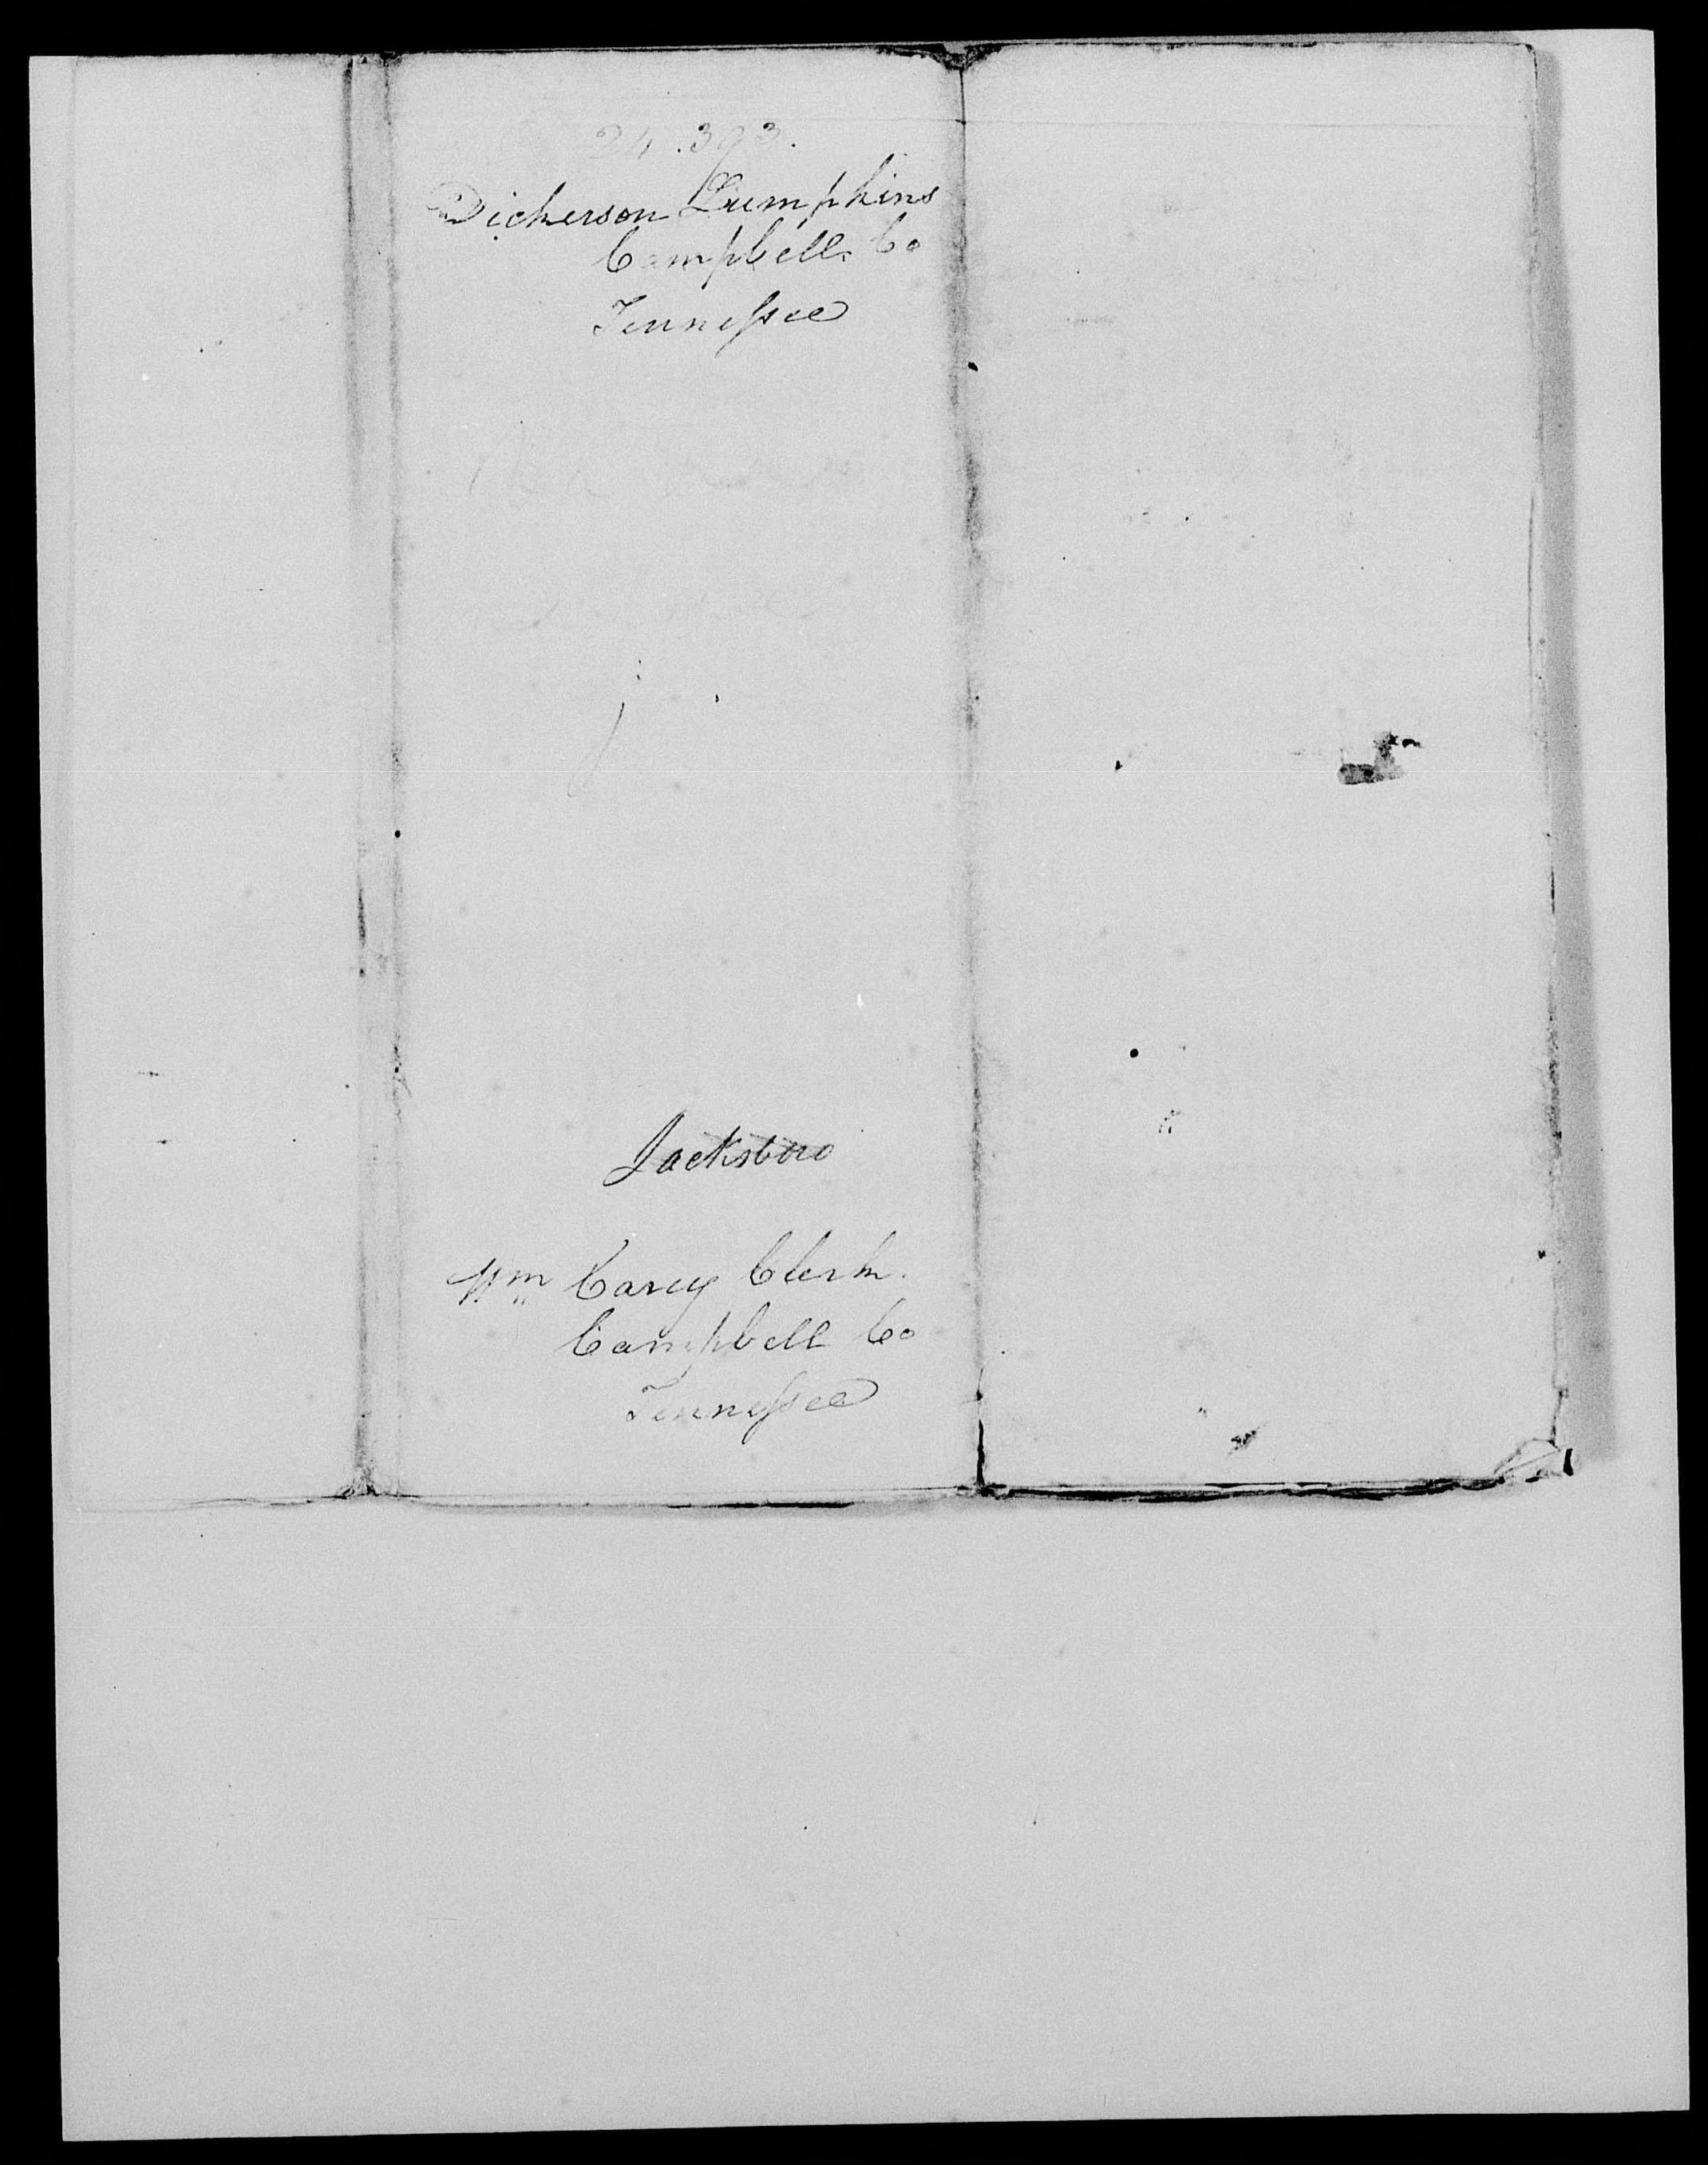(Handwritten document)

24,393
Dickerson Lumpkins
Campbell Co
Tennessee

Jacksboro
Wm Carey Clerk.
Campbell Co
Tennessee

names: Wm Carey; Dickerson Lumpkins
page: 14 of 37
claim: rejected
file: R. 6521, for Dickeson Lumpkin, Pennsylvania